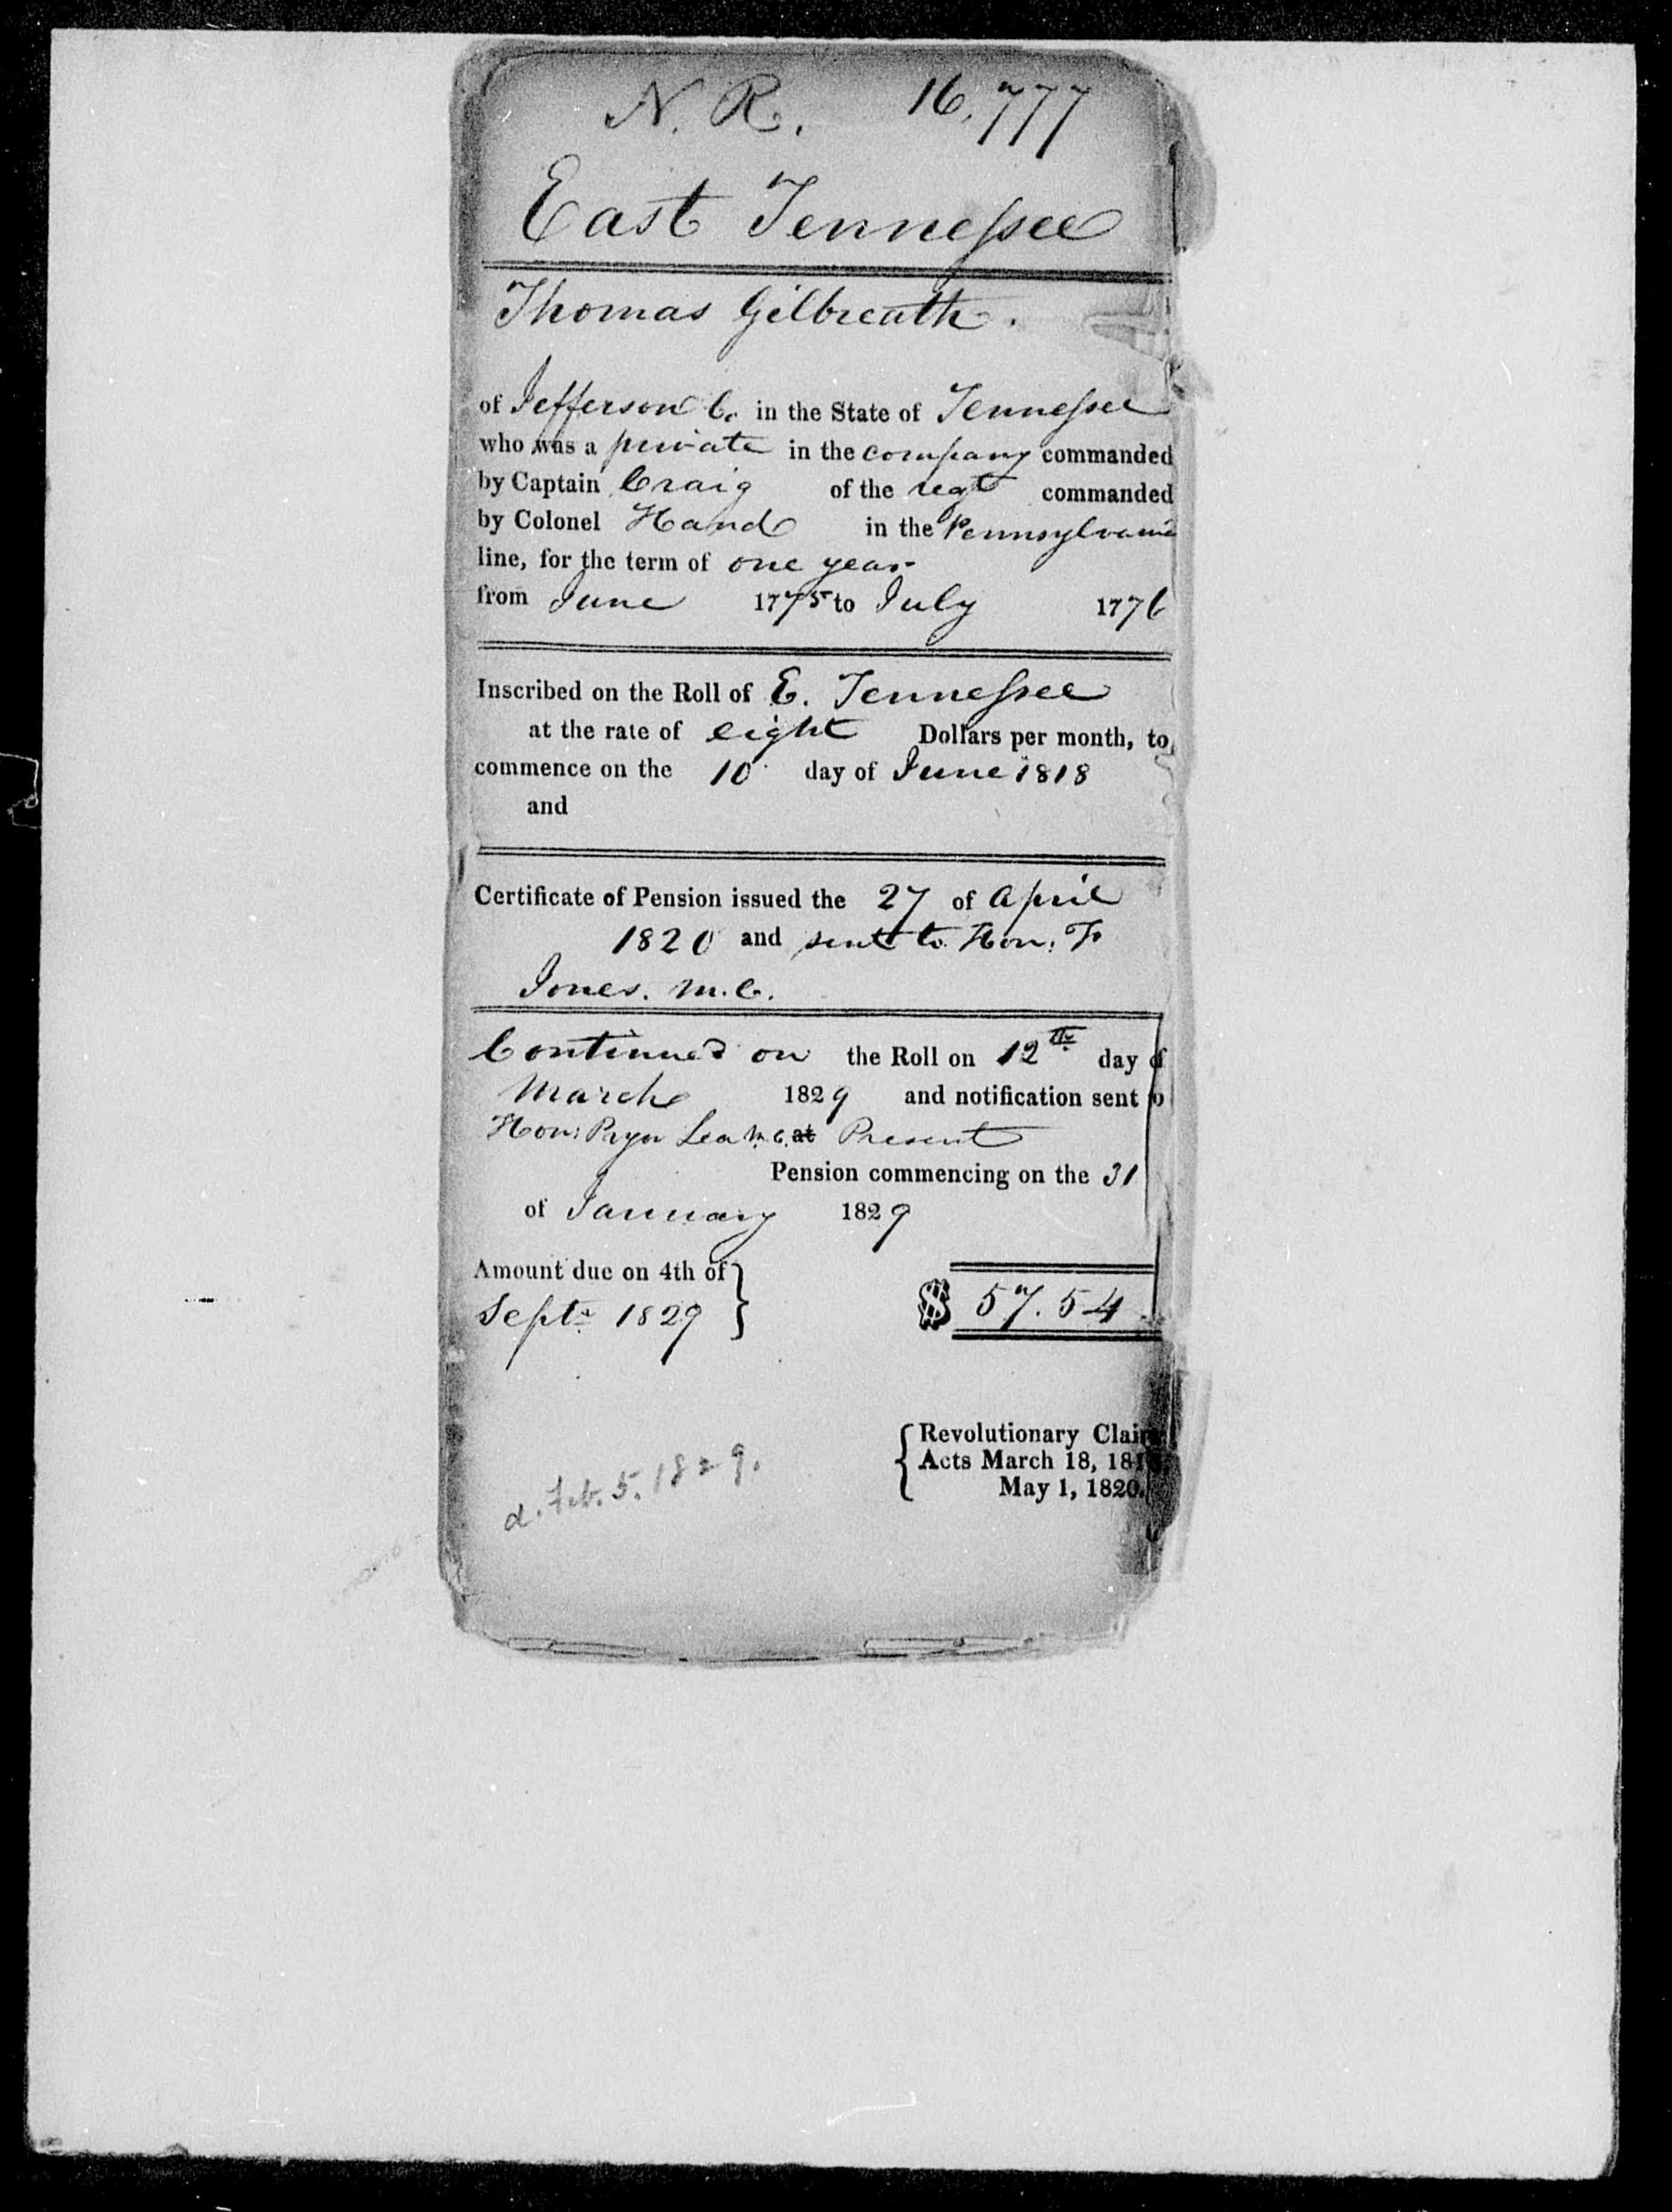N.R.   16,777
East Tennessee
Thomas Gilbreath.

of Jefferson Co in the State of Tennessee who was a private in the company commanded
by captain Craig of the regt commanded
by Colonel Hand in the Pennsylvania 
line, for the term of one year.
from June 1775 to July 1776
_____________________
Inscribed on the Roll of E. Tennessee
at the rate of eight Dollars per month, to 
commence on the 10 day of June 1818
and 
_____________________________Certificate of Pension issued the 27 of April 
1820 and sent to Hon. F Jones. M.C.
______________________________
Continued on the Roll 12th day of
March 1829 and notification sent to
Hon: Pryor Lea M.C. at[crossed out] Present
        Pension commencing on the 21 
of January 1929
Amount due on 4th of }     $57.54
Sept- 1829                    }

Revolutionary Claim 
Acts March 18, 184[illegible]
     May 1, 1820.

[written on left bottom side of document:] 
d. Feb.5.1929.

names: Thomas Gilbreath, Craig, F Jones, Hand, Pryor Lea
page: 2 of 24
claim: survivor's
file: S. 38727, Thomas Gilbreath, Penn.